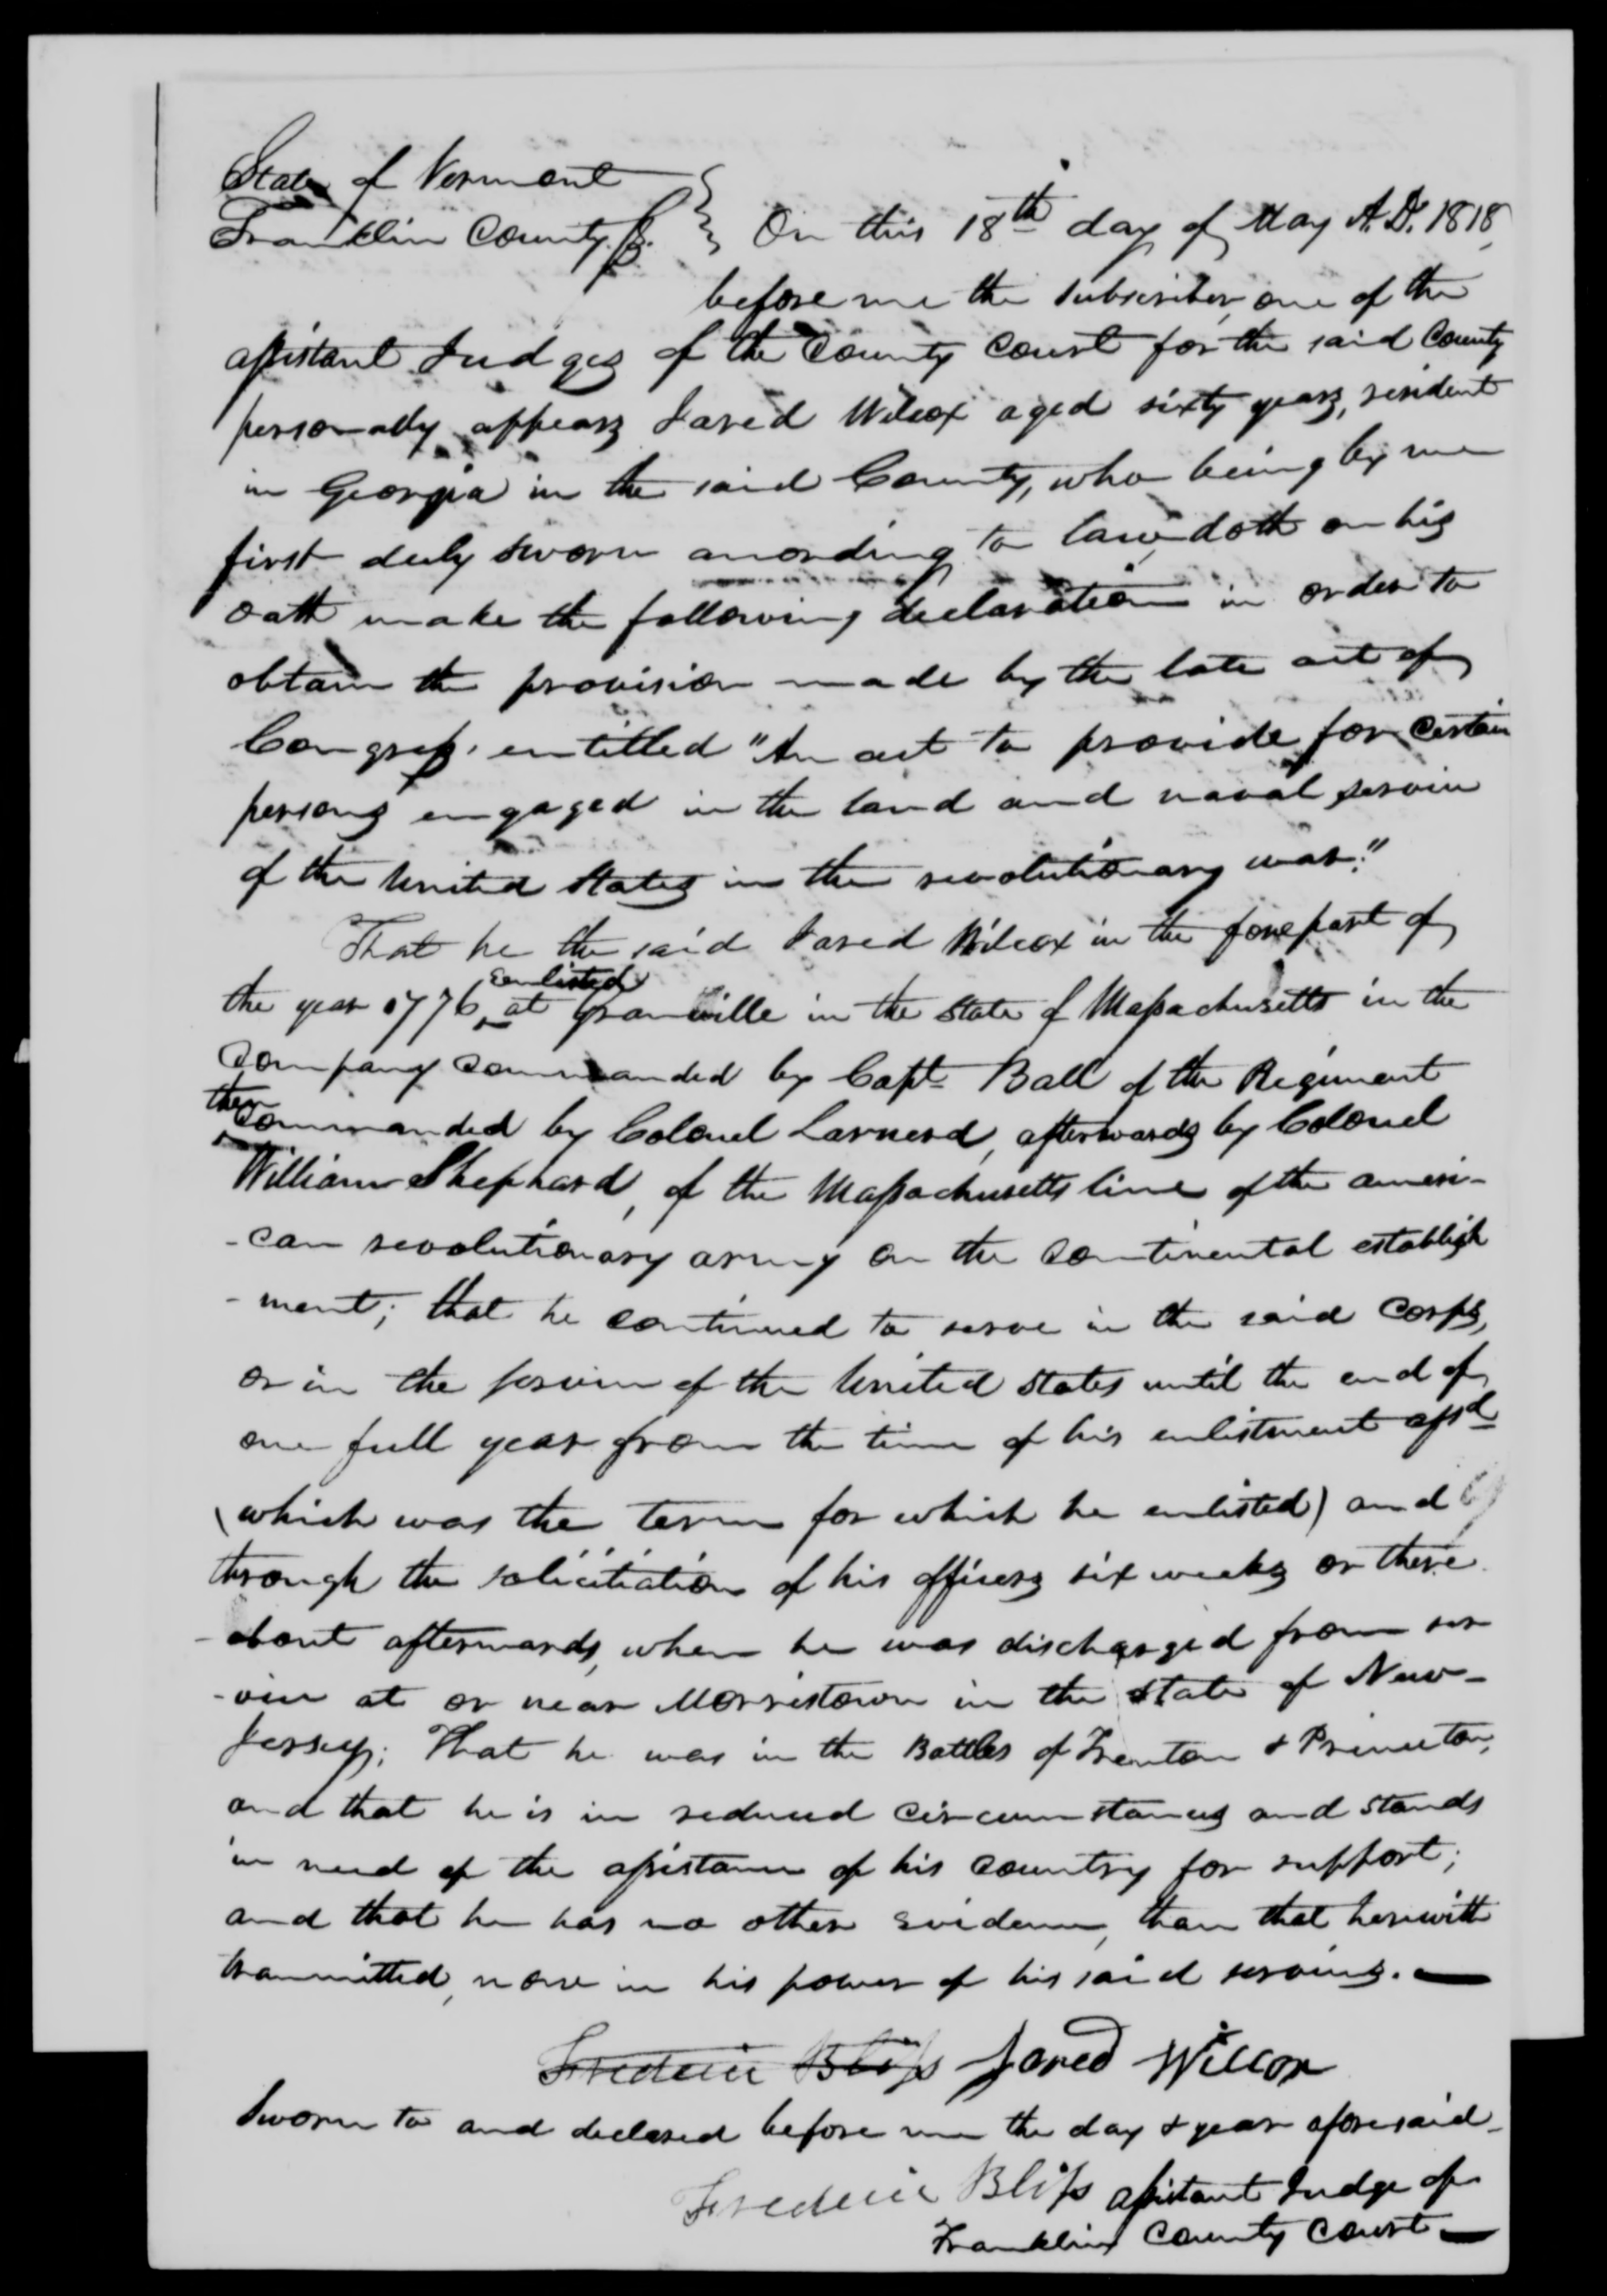State of Vermont }
Franklin County Ss. }  On this 18th day of May A.D. 1818
before me the subscriber, one of the
assistant Judges of the County Court for the said County
personally appears Jared Wilcox aged sixty years, resident
in Georgia in the said County, who being by me
first duly sworn according to law doth on his
oath make the following declaration in order to
obtain the provision made by the late act of
Congress, entitled "An act to provide for certain
persons engaged in the land and naval service
of the United States in the revolutionary war."

That he the said Jared Wilcox in the fore part of
the year 1776 enlisted at Granville in the State of Massachusetts in the
company commanded by Capt. Ball of the Regiment
then commanded by Colonel Larnerd, afterwards by Colonel
William Shephard, of the Massachusetts line of the american [American]
revolutionary army in the continental establishment;
that he continued to serve in the said Compy, 
or in the service of the United States until the end of
one full year from the time of his enlistment (illegible)
which was the term for which he enlisted) and 
through the solicitation of his officer, six weeks or thereabout
afterwards, when he was discharged from service
at or near Morristown in the State of New
Jersey; That he was in the Battles of Trenton & Princeton,
and that he is in reduced circumstances and stands 
in need of the assistance of his country for support; 
and that he has no other evidence, than that herewith
transmitted, more in his power of said (illegible).

(Frederic Bliss = crossed out)  Jared Wilcox (signature)

Sworn to and declared before me the day & year aforesaid.
Frederic Bliss (signature)  Assistant Judge of
Franklin County Court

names: Ball, Frederic Bliss, Jared Wilcox, Larnerd, William Shephard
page: 7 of 34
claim: survivor's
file: S. 41337, Jared Wilcox, Continental Mass.